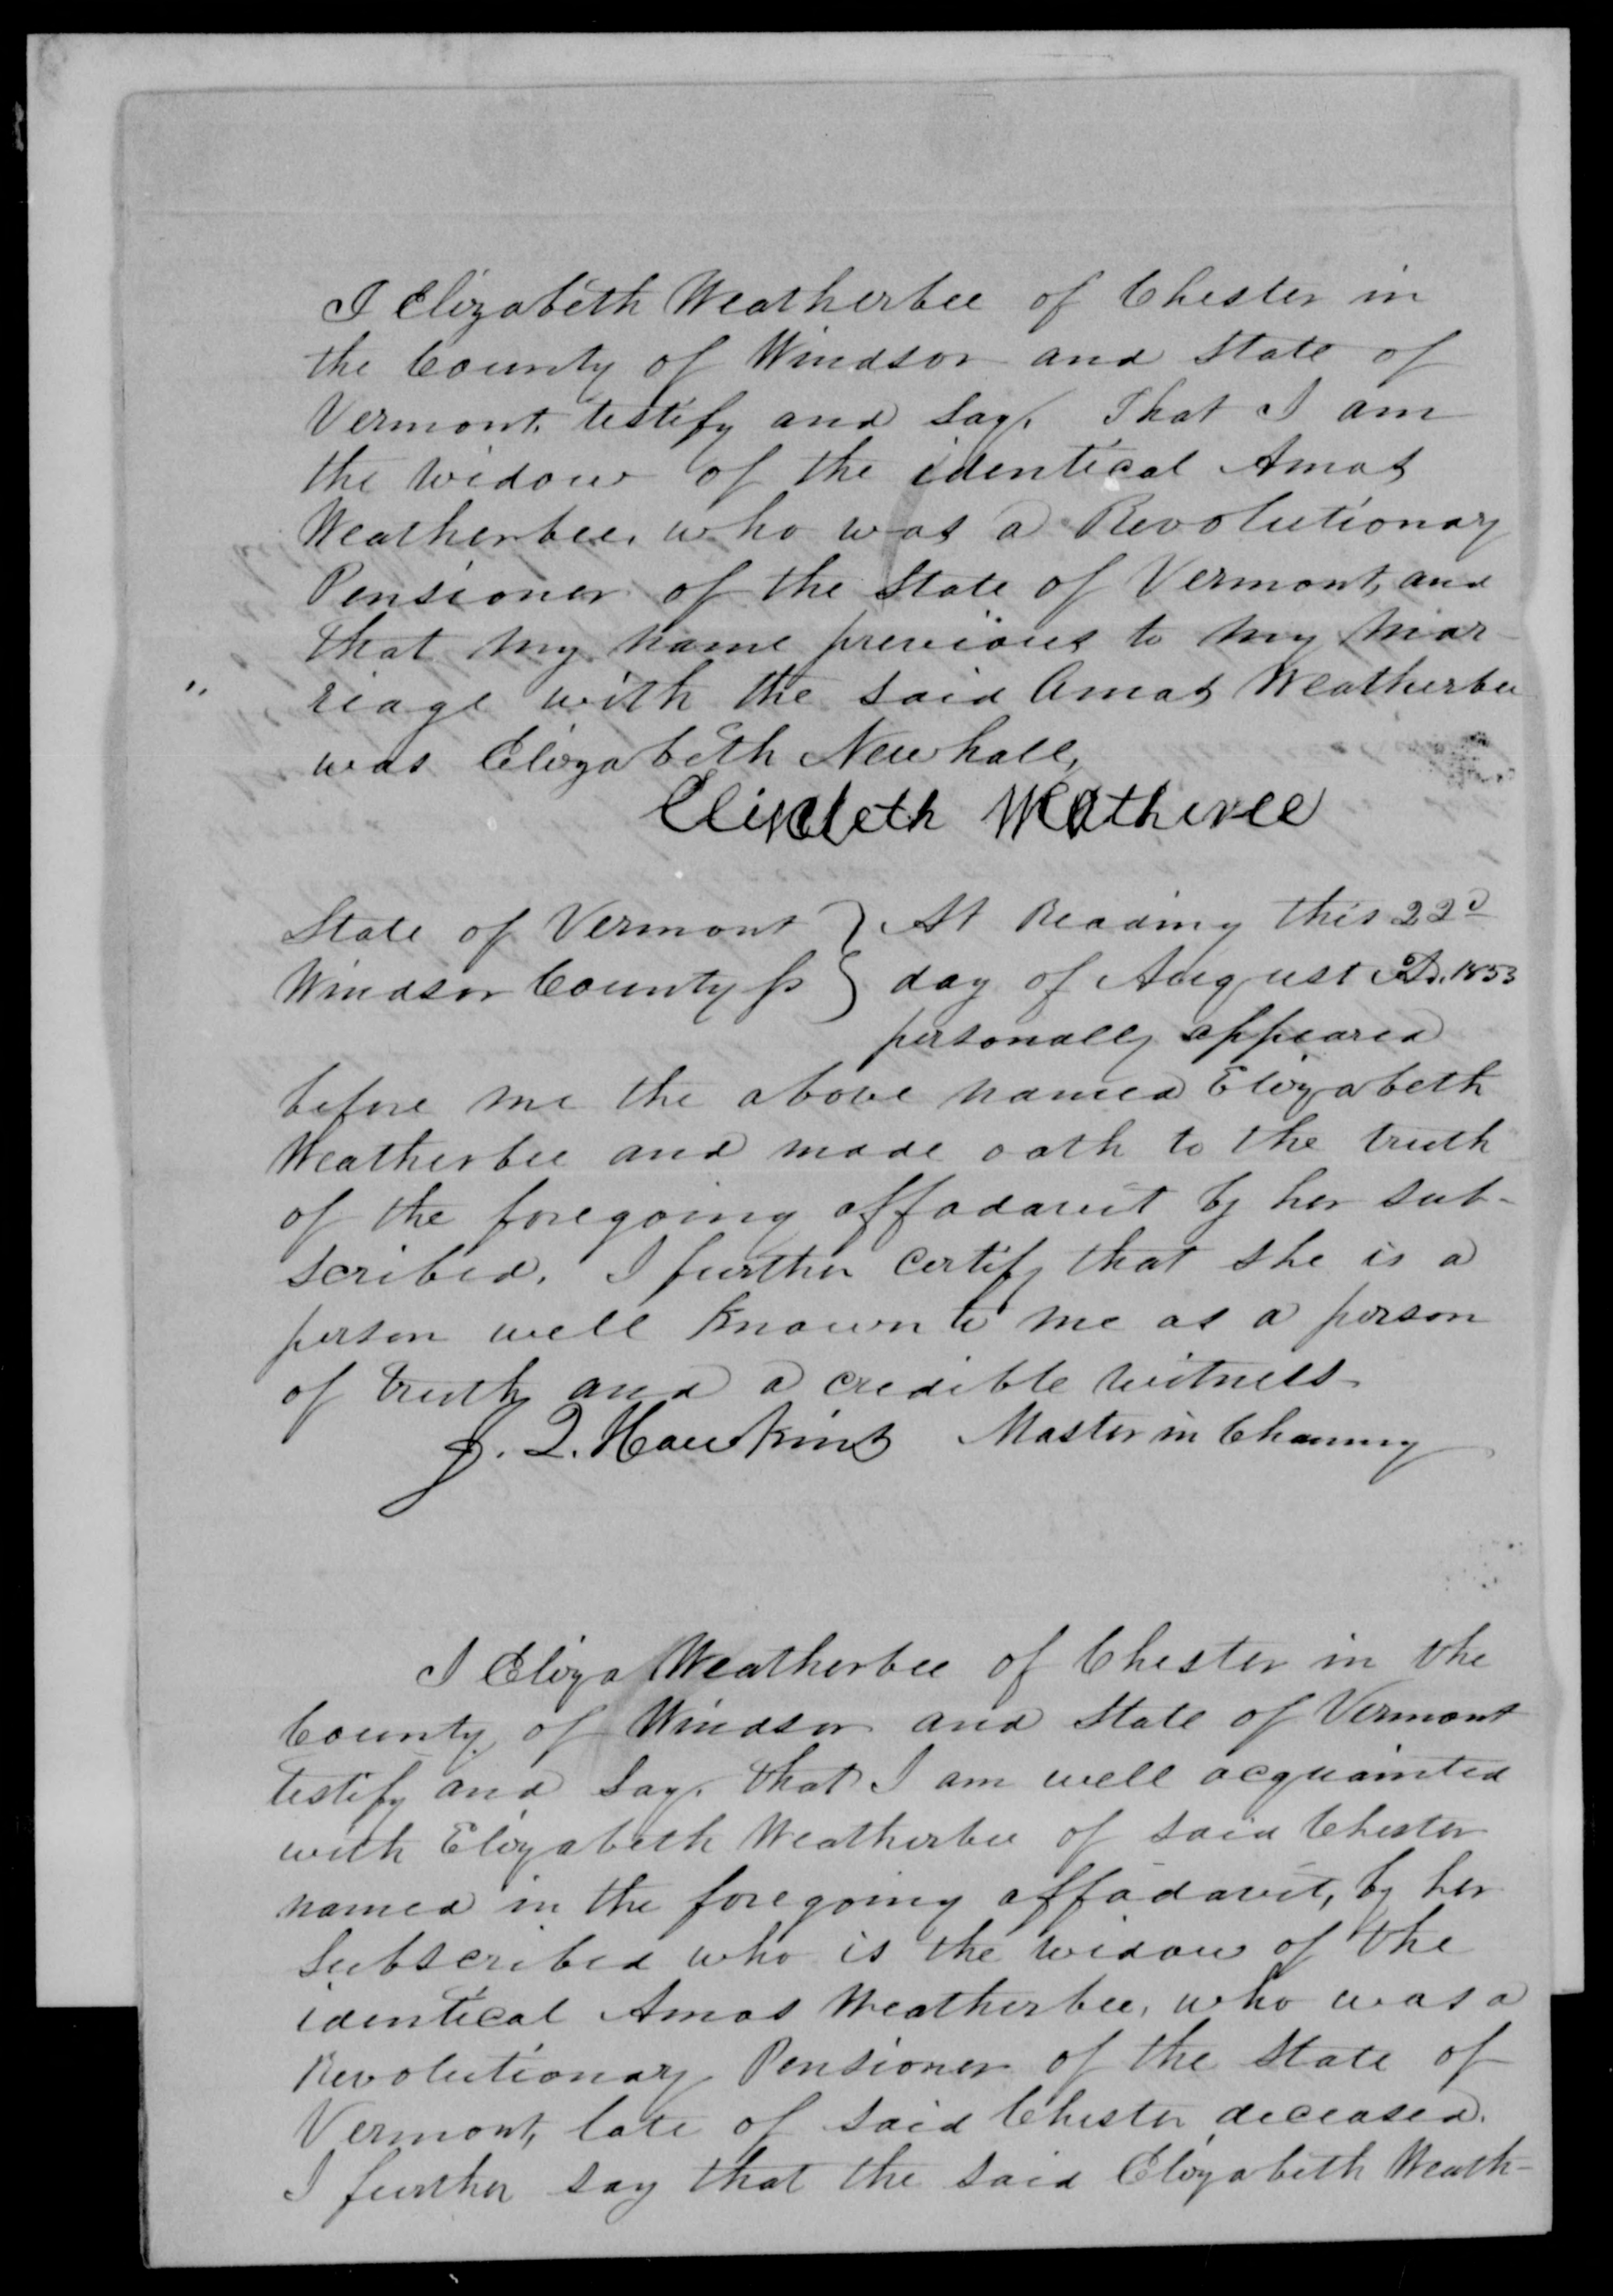I Elizabeth Weatherbee of Chester in the County of Windsor and State of Vermont, testify and say that I am the widow of the identical Amos Weatherbee who was a Revolutionary Pensioner of the State of Vermont and that my name previous to my marriage with the said Amos Weatherbee was Elizabeth Newhall.
Elizabeth Weatherbee

State of Vermont
Windsor County SS
At Reading this 22d day of August AD. 1853 personally appeared before me the above named Elizabeth Weatherbee and made oath to the truth of the foregoing affadavit by her subscribed, I further certify that she is a person well known to me as a person of truth and a credible witness.
J. Q. Hawkins Master in Chancery

I Eliza Weatherbee of Chester in the County of Windsor and State of Vermont testify and say that I am well acquainted with Elizabeth Weatherbee of said Chester named in the foregoing affadavit by her subscribed who is the widow of the identical Amos Weatherbee who was a Revolutionary Pensioner of the State of Vermont late of said Chester deceased. I further say that the said Elizabeth Weath-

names: Elizabeth Weatherbee, Amos Weatherbee, J Q Hawkins, Elizabeth Newhall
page: 33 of 66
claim: widow's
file: W. 2468, Amos Wetherbee, Mass.